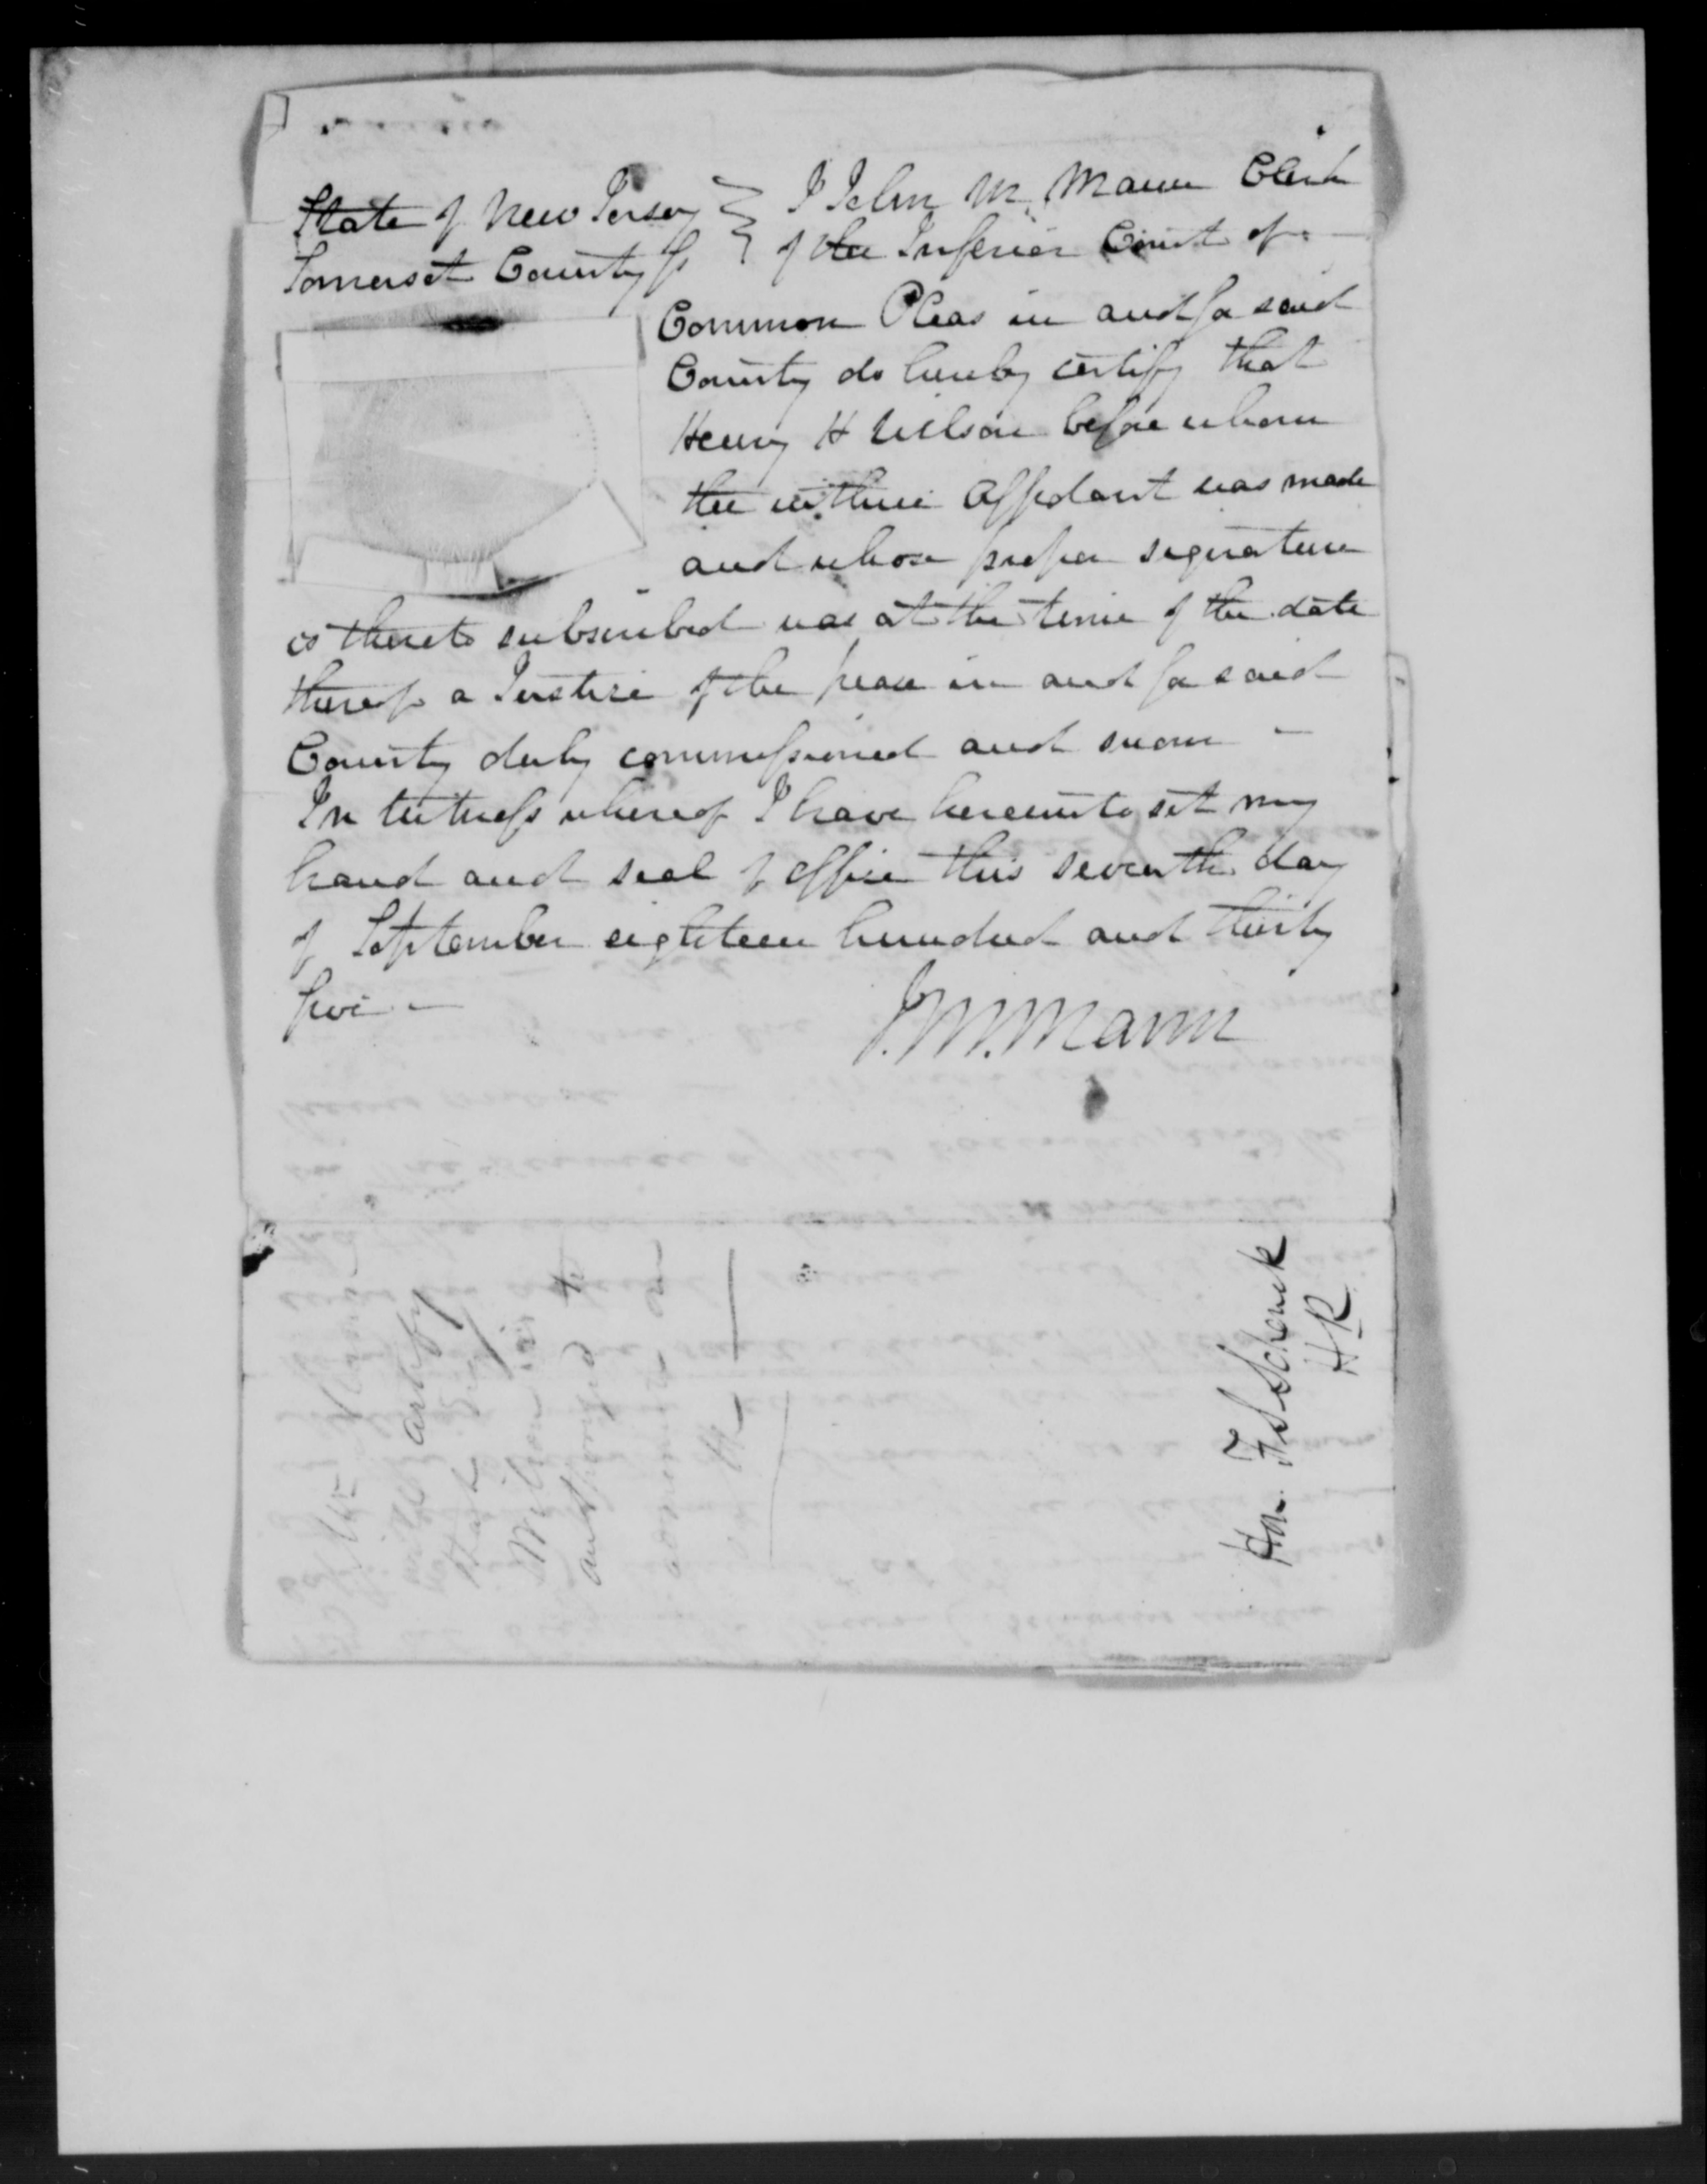State of New Jersey
Somerset County ss }

I John M Mann Clerk of the Inferior Court of Common Pleas in and for said County do hereby certify that Henry H Wilson before whom the within affidavit was made and whose proper signature is thereto subscribed was at the time of the date thereof a Justice of the peace in and for said County duly commissioned and sworn.

In witness whereof I have hereunto set my hand and seal of office this seventh day of September eighteen hundred and thirty five.

J. M. Mann

[written faintly, vertically on the bottom]
Mr [illegible]
will certify
that [illegible]
Wilson is
authorized to
administer our
oath --

Hon. F S Schenck
HR [House of Representatives]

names: F S Schenck, Henry H Wilson, John M Mann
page: 24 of 40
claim: survivor's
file: S. 3564, Mindart Wilson, New Jersey